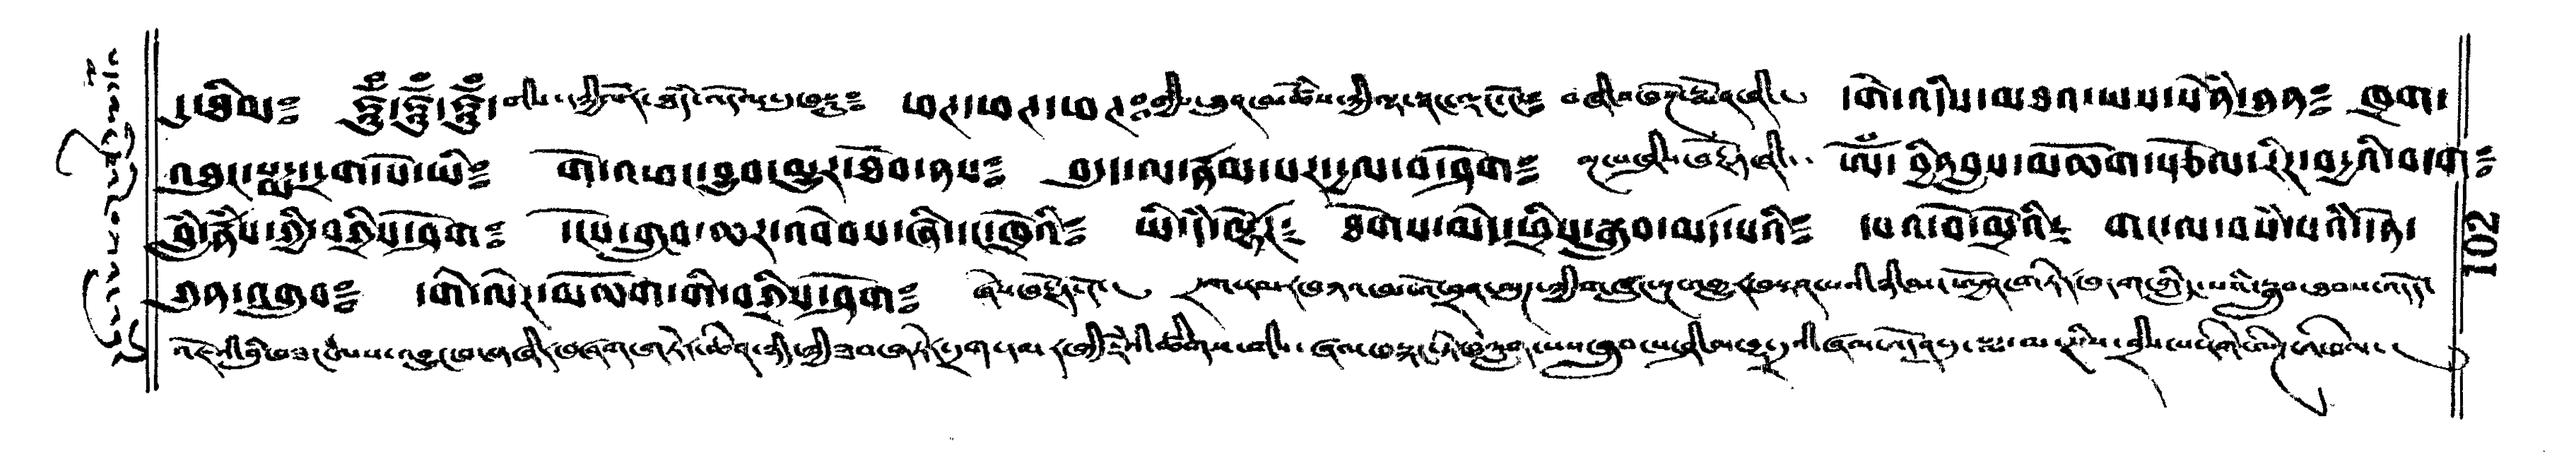དུ་ཐིམ༔ ཧཱུྃ་ཧཱུྃ་ཧཱུྃ་གིས་དཀྱིལ་འཁོར་ཐམས་ཅད་འོད་གསལ་དུ་བསྡུ། ཕཊ་ཕཊ་ཕཊཿ གྱིས་ཐུན་མཚམས་ཀྱི་ལྷར་སྣང་ལྡང་ངོ༔ བཞི་པ་བསྔོ་སྨོན་ནི། དགེ་འདིས་མཐའ་ཡས་སེམས་ནི་ཀུན༔ ཁྲག་
འཐུང་པདྨ་དྲག་པོ་ཡི༔ གོ་འཕང་བྱང་ཆུབ་མྱུར་ཐོབ་ནས༔ བདུད་ལ་རྣམ་པར་རྒྱལ་བ་ཤོག༔ ལྔ་པ་ཤིས་བརྗོད་ནི། ཨོཾ་བྱིན་རླབས་མཆོག་སྩོལ་རིགས་བརྒྱའི་བདག༔ 
བླ་མ་རྣམས་ཀྱི་བཀྲ་ཤིས་ཤོག༔ དངོས་གྲུབ་ཆར་འབེབས་ཞི་དང་ཁྲོའི༔ ཡི་དམ་ལྷ་ཚོགས༴ ཐོགས་མེད་ཕྲིན་ལས་སྒྲུབ་མཛད་པའི༔ དཔའ་བོ་མཁའ་འགྲཽའི༴ གང་ལ་བསམ་པའི་དོན་
ཀུན་འགྲུབ༔ དགེ་ལེགས་མཆོག་གི་བཀྲིས་ཤོག༔ ཅེས་བརྗོད་དོ། དྲག་དམར་བཀའ་མ་འོ་བྲན་ལུགས་ཀྱི་གཞུང་སྔ་འགྱུར་བསྟན་པའི་ཉི་མ་ཨོ་རྒྱན་གཏེར་བདག་གླིང་པའི་སྒྲུབ་ཐབས་འདོད་
འཇོའི་བུམ་བཟང་ལས་འབྱུང་བ་གཞིར་བཞག་གཏེར་ཆེན་ཉིད་ཀྱི་ཟབ་གཏེར་དྲག་དམར་གྱི་རྡོ་རྗེའི་ཚིག་གིས་ཞལ་བསྐང་ཏེ་བཀླགས་པས་གྲུབ་པ་ཤཱི་ལ་བྷ་དྲའི་ཞལ་འདོན་དུ་པདྨ་མ་ཎིས་བྲིས་པ་དགེ་ལེགས་འཕེལ།།